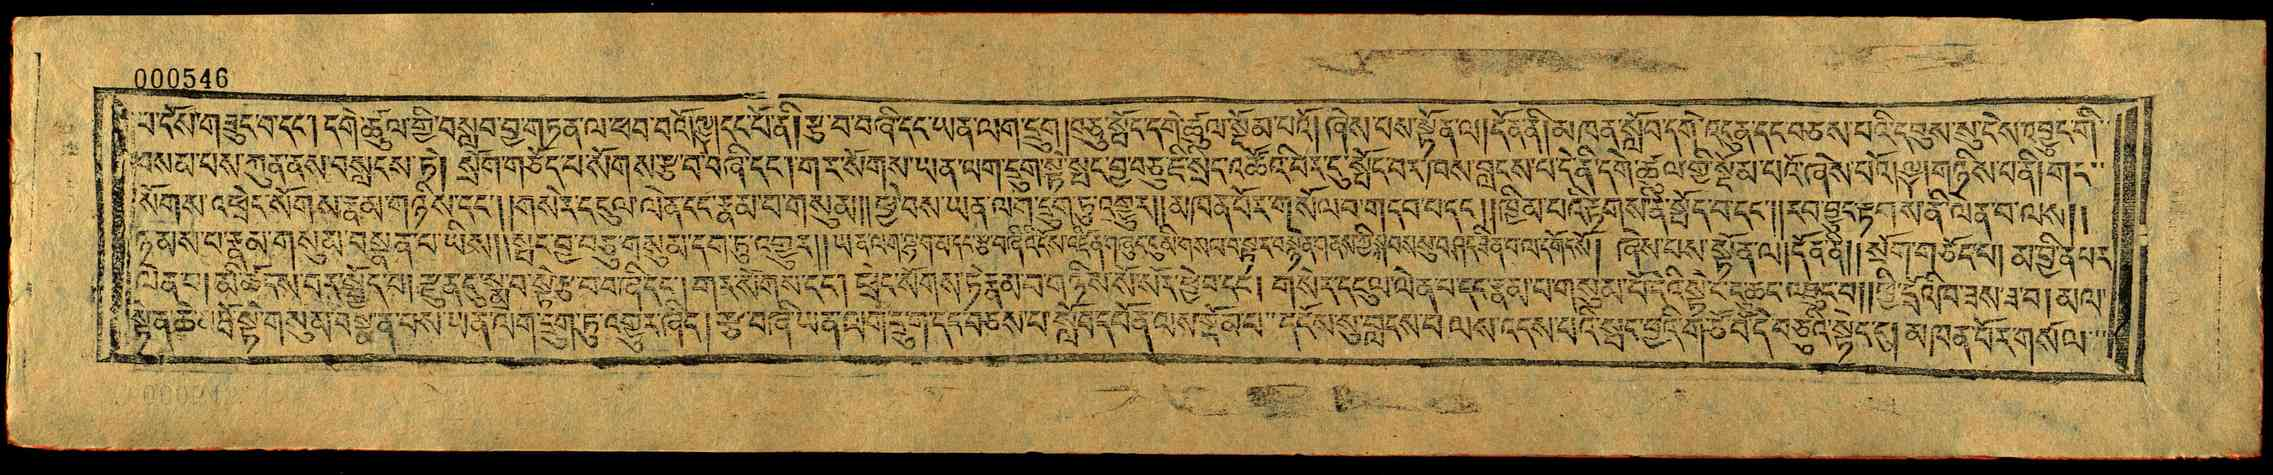པ་ངོས་གཟུང་བ་དང་། དགེ་ཚུལ་གྱི་བསླབ་བྱ་གཏན་ལ་ཕབ་པའོ། ༈ །དང་པོ་ནི། རྩ་བ་བཞི་དང་ཡན་ལག་དྲུག །བཅུ་སྤོང་དགེ་ཚུལ་སྡོམ་པའོ། ཞེས་པས་སྟོན་ལ། དོན་ནི། མཁན་སློབ་དགེ་འདུན་དང་བཅས་པའི་དབུས་སུ་ངེས་འབྱུང་གི་
བསམ་པས་ཀུན་ནས་བསླངས་ཏེ། སྲོག་གཅོད་པ་སོགས་རྩ་བ་བཞི་དང་། གར་སོགས་ཡན་ལག་དྲུག་སྟེ་སྤང་བྱ་བཅུ་ཇི་སྲིད་འཚོའི་བར་དུ་སྤོང་བར་ཁས་བླངས་པ་དེ་ནི་དགེ་ཚུལ་གྱི་སྡོམ་པའོ་ཞེས་པའོ། ༈ །གཉིས་པ་ནི། གར་
སོགས་འཕྲེང་སོགས་རྣམ་གཉིས་དང་། །གསེར་དངུལ་ལེན་དང་རྣམ་པ་གསུམ། །ཕྱེ་བས་ཡན་ལག་དྲུག་ཏུ་འགྱུར། །མཁན་པོར་གསོལ་བ་གདབ་པ་དང་། །ཁྱིམ་པའི་རྟགས་ནི་སྤོང་བ་དང་། །རབ་བྱུང་རྟགས་ནི་ལེན་པ་ལས།།
ཉམས་པ་རྣམ་གསུམ་བསྣན་པ་ཡིས། །སྤང་བྱ་བཅུ་གསུམ་དག་ཏུ་འགྱུར།། ཡན་ལག་ལྷག་མ་དང་རྩ་བཞིའི་ངོས་འཛིན་གཞུང་དུ་མི་གསལ་བ་སྣང་བསྙེན་གནས་ཀྱི་སྐབས་སུ་བཤད་ཟིན་པ་ལ་དགོངས་སོ།། ཞེས་པས་སྟོན་ལ། དོན་ནི། སྲོག་གཅོད་པ། མ་བྱིན་པར་
ལེན་པ། མི་ཚངས་པར་སྤྱོད་པ། རྫུན་དུ་སྨྲ་བ་སྟེ་རྩ་བ་བཞི་དང་། གར་སོགས་དང་འཕྲེང་སོགས་ཏེ་རྣམ་པ་གཉིས་སོ་སོར་ཕྱེ་བ་དང་། གསེར་དངུལ་ལེན་པ་དང་རྣམ་པ་གསུམ་པ་དེའི་སྟེང་དུ་ཆང་འཐུང་བ། ཕྱི་དྲོའི་ཁ་ཟས་ཟ་བ། མལ་
སྟན་ཆེ་མཐོ་སྟེ་གསུམ་བསྣན་པས་ཡན་ལག་དྲུག་ཏུ་འགྱུར་ཞིང་། རྩ་བཞི་ཡན་ལག་དྲུག་དང་བཅས་པ་སློབ་དཔོན་ལས་སྡོམ་པ་དངོས་སུ་བླངས་པ་ལས་འདས་པའི་སྤང་བྱའི་གཙོ་བོ་དེ་བཅུའི་སྟེང་དུ། མཁན་པོར་གསོལ་